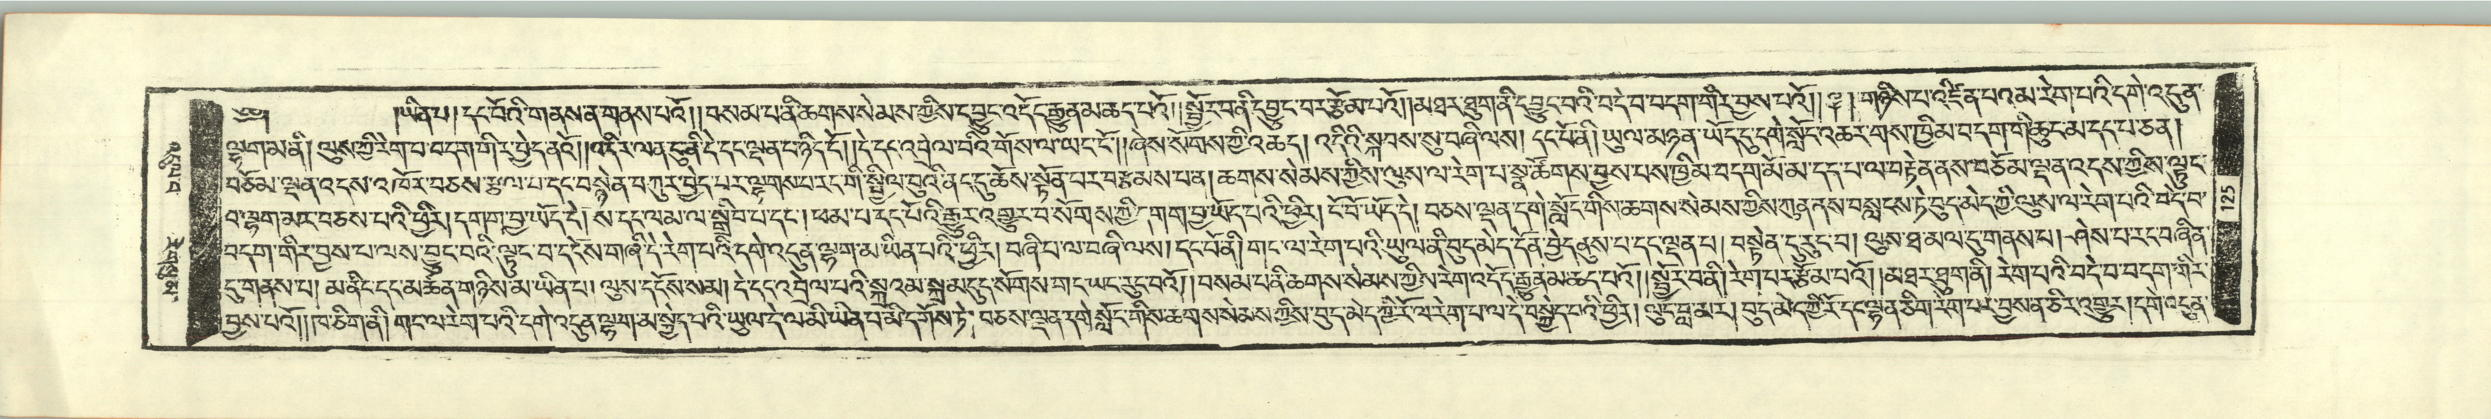༄༅། །ཡིན་པ། དང་པོའི་གནས་ན་གནས་པའོ། །བསམ་པ་ནི་ཆགས་སེམས་ཀྱིས་དབྱུང་འདོད་རྒྱུན་མ་ཆད་པའོ། །སྦྱོར་བ་ནི་དབྱུང་བར་རྩོམ་པའོ། །མཐར་ཐུག་ནི་དབྱུང་བའི་བདེ་བ་བདག་གིར་བྱས་པའོ།།༈།།གཉིས་པ་འཛིན་པའམ་རེག་པའི་དགེ་འདུན་
ལྷག་མ་ནི། ལུས་ཀྱི་རེག་པ་བདག་གིར་བྱེད་ནའོ། །འདིར་ལན་དུ་ནི་དེ་དང་ལྡན་པ་ཉིད་དོ། །དེ་དང་འབྲེལ་བའི་གོས་ལ་ཡང་ངོ། །ཞེས་སོགས་ཀྱི་འཆད། འདིའི་སྐབས་སུ་བཞི་ལས། དང་པོ་ནི། ཡུལ་མཉན་ཡོད་དུ་དགེ་སློང་འཆར་གས་ཁྱིམ་བདག་གི་ཆུང་མ་དད་པ་ཅན།
བཅོམ་ལྡན་འདས་འཁོར་བཅས་རྩལ་པ་དང་བསྙེན་བཀུར་བྱེད་པར་ལྷགས་པ་རང་གི་སྤྱིལ་བུའི་ནང་དུ་ཆོས་སྟོན་པར་བརྩམས་པ་ན། ཆགས་སེམས་ཀྱིས་ལུས་ལ་རེག་པ་སྣ་ཚོགས་བྱས་པས་ཁྱིམ་བདག་མོ་མ་དད་པ་ལ་བརྟེན་ནས་བཅོམ་ལྡན་འདས་ཀྱིས་ལྟུང་
བ་ལྷག་མར་བཅས་པའི་ཕྱིར། དགག་བྱ་ཡོད་དེ། ས་དང་ལམ་ལ་སྒྲིབ་པ་དང་། ཕམ་པ་དང་པོའི་རྒྱུར་འགྱུར་བ་སོགས་ཀྱི་དགག་བྱ་ཡོད་པའི་ཕྱིར། ངོ་བོ་ཡོད་དེ། བཅས་ལྡན་དགེ་སློང་གིས་ཆགས་སེམས་ཀྱིས་ཀུན་ནས་བསླངས་ཏེ་བུད་མེད་ཀྱི་ལུས་ལ་རེག་པའི་བདེ་བ་
བདག་གིར་བྱས་པ་ལས་བྱུང་བའི་ལྟུང་བ་དངོས་གཞི་དེ་རེག་པའི་དགེ་འདུན་ལྷག་མ་ཡིན་པའི་ཕྱིར། བཞི་པ་ལ་བཞི་ལས། དང་པོ་ནི། གང་ལ་རེག་པའི་ཡུལ་ནི་བུད་མེད་དོན་བྱེད་ནུས་པ་དང་ལྡན་པ། བསྟེན་དུ་རུང་བ། ལུས་ཐ་མལ་དུ་གནས་པ། ཤེས་པ་རང་བཞིན་
དུ་གནས་པ། མ་ནིང་དང་མཚན་གཉིས་མ་ཡིན་པ། ལུས་དངོས་སམ། དེ་དང་འབྲེལ་པའི་སྐྲའམ་སྐྲ་མདུད་སོགས་གང་ཡང་རུང་བའོ། །བསམ་པ་ནི་ཆགས་སེམས་ཀྱིས་རེག་འདོད་རྒྱུན་མ་ཆད་པའོ། །སྦྱོར་བ་ནི། རེག་པར་རྩོམ་པའོ། །མཐར་ཐུག་ནི། རེག་པའི་བདེ་བ་བདག་གིར་
བྱས་པའོ། །ཁ་ཅིག་ནི། གང་ལ་རེག་པའི་དགེ་འདུན་ལྷག་མ་སྐྱེད་པའི་ཡུལ་དེ་ལ་མི་ཡིན་པ་མི་དགོས་ཏེ། བཅས་ལྡན་དགེ་སློང་གིས་ཆགས་སེམས་ཀྱིས་བུད་མེད་ཀྱི་རོ་ལ་རེག་པ་ལ་དེ་བསྐྱེད་པའི་ཕྱིར། ལུང་བླ་མར། བུད་མེད་ཀྱི་རོ་དང་ལྷན་ཅིག་རེག་པར་བྱས་ན་ཅིར་འགྱུར། དགེ་འདུན་